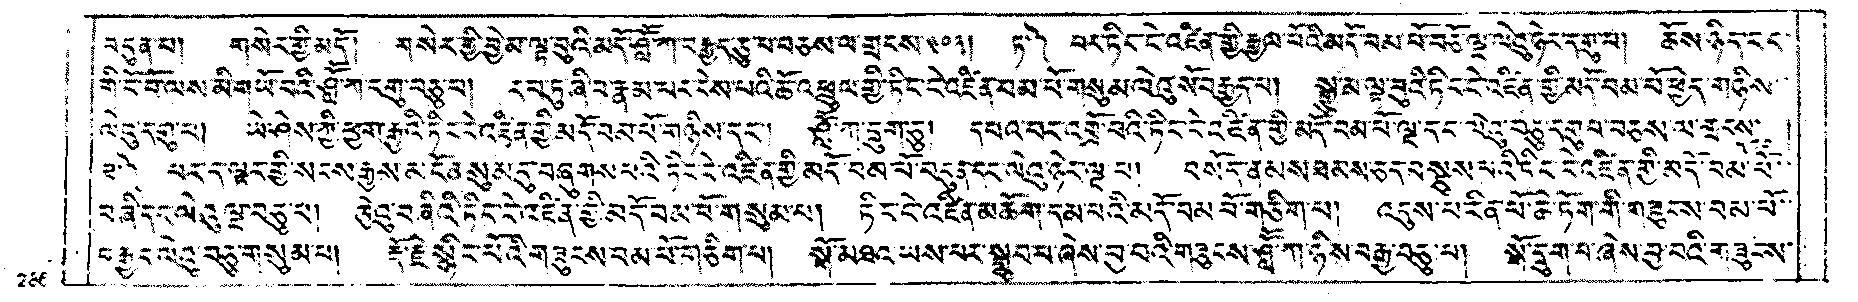བདུན་པ། གསེར་གྱི་མདོ། གསེར་གྱི་བྱེ་མ་ལྟ་བུའི་མདོ་ཤླཽ་ཀ་བརྒྱད་ཅུ་པ་བཅས་ལ་གྲངས ༤༠༢། ཏ྄་པར་ཏིང་ངེ་འཛིན་གྱི་རྒྱལ་པོའི་མདོ་བམ་པོ་བཅོ་ལྔ་ལེའུ་ཉེར་དགུ་པ། ཆོས་ཉིད་རང་
གི་ངོ་བོ་ལས་མི་གཡོ་བའི་ཤླཽ་ཀ་དགུ་བཅུ་པ། རབ་ཏུ་ཞི་བ་རྣམ་པར་ངེས་པའི་ཆོ་འཕྲུལ་གྱི་ཏིང་ངེ་འཛིན་བམ་པོ་གསུམ་ལེའུ་སོ་བརྒྱད་པ། སྒྱུ་མ་ལྟ་བུའི་ཏིང་ངེ་འཛིན་གྱི་མདོ་བམ་པོ་ཕྱེད་གཉིས་
ལེའུ་དགུ་པ། ཡེ་ཤེས་ཀྱི་ཕྱག་རྒྱའི་ཏིང་ངེ་འཛིན་གྱི་མདོ་བམ་པོ་གཉིས་དང་། ཤླཽ་ཀ་དྲུག་ཅུ། དཔའ་བར་འགྲོ་བའི་ཏིང་ངེ་འཛིན་གྱི་མདོ་བམ་པོ་ལྔ་དང་ལེའུ་བཅུ་དགུ་པ་བཅས་ལ་གྲངས ༥༡༠།
ཐ྄་པར་ད་ལྟར་གྱི་སངས་རྒྱས་མངོན་སུམ་དུ་བཞུགས་པའི་ཏིང་ངེ་འཛིན་གྱི་མདོ་བམ་པོ་བདུན་དང་ལེའུ་ཉེར་ལྔ་པ། བསོད་ནམས་ཐམས་ཅད་བསྡུས་པའི་ཏིང་ངེ་འཛིན་གྱི་མདོ་བམ་པོ་
བཞི་དང་ལེའུ་ལྔ་བཅུ་པ། ཁྱེའུ་བཞིའི་ཏིང་ངེ་འཛིན་གྱི་མདོ་བམ་པོ་གསུམ་པ། ཏིང་ངེ་འཛིན་མཆོག་དམ་པའི་མདོ་བམ་པོ་གཅིག་པ། འདུས་པ་རིན་པོ་ཆེ་ཏོག་གི་གཟུངས་བམ་པོ་
བརྒྱད་ལེའུ་བཅུ་གསུམ་པ། རྡོ་རྗེ་སྙིང་པོའི་གཟུངས་བམ་པོ་གཅིག་པ། སྒོ་མཐའ་ཡས་པར་སྒྲུབ་པ་ཞེས་བྱ་བའི་གཟུངས་ཤླཽ་ཀ་ཉིས་བརྒྱ་བཅུ་པ། སྒོ་དྲུག་པ་ཞེས་བྱ་བའི་གཟུངས་